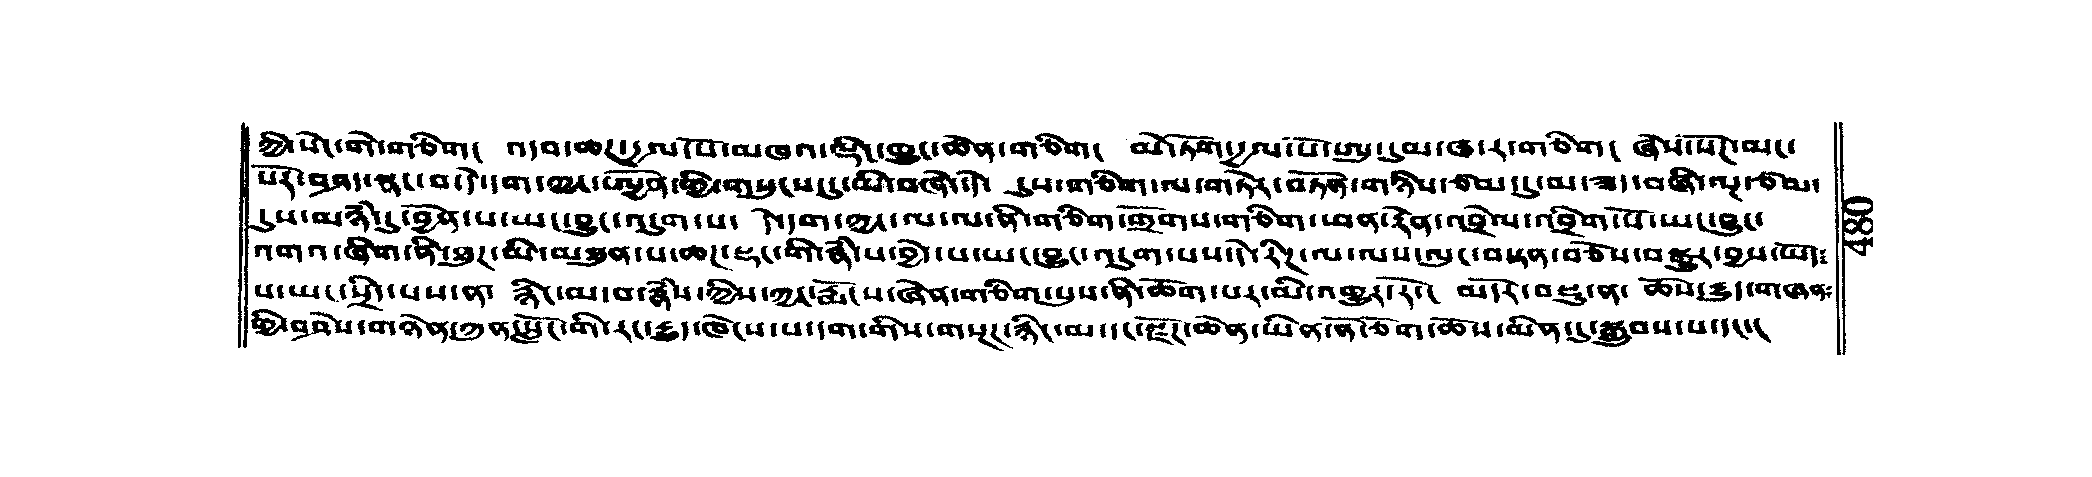ཀྱི་སེང་གེ་གཅིག །འདབ་ཆགས་རྒྱལ་པོ་མཁའ་ལྡིང་ཁྱུང་ཆེན་གཅིག །མེ་ཏོག་རྒྱལ་པོ་ཨུ་དུམ་ཝ་ར་གཅིག ཅེས་སོགས་མང་
པོར་བཤད་སྣང་བ་དེ་དག་ཀྱང་ཨོ་རྒྱན་གྱི་གསུང་དུ་མི་བཞེད་དེ། དུས་གཅིག་ལ་གཏེར་གཏོན་གཉིས་ཙམ་དུ་མ་ཟད་བཞི་ལྔ་ཙམ། 
དུས་མཉམ་དུ་བྱོན་པ་ཡང་བྱུང་འདུག་པ། དེ་དག་ཀྱང་ལ་ལ་ནི་གཅིག་གྲོགས་གཅིག་ཕན་རྟེན་འབྲེལ་འགྲིག་པོ་ཡང་བྱུང་། 
འགའ་ཞིག་ནི་ཐུགས་མི་མཐུན་པ་ཆགས་སྡང་གི་རྣམ་པ་བྱེད་པ་ཡང་བྱུང་འདུག་པས་དེ་རིགས་ལ་ལས་ལུང་བསྟན་བཅོས་བསྒྱུར་བྱས་ཡོད་
པ་ཡང་སྲིད་པས་ན།རྙིང་མ་བ་རྣམས་ཀྱིས་ཀྱང་རྨོངས་ཞེན་གཅིག་པུས་ནི་ཆོག་པར་མི་འགྱུར་རོ། མདོར་བསྡུ་ན། ཆོས་རྒྱུད་གཞན་
གྱི་བཤེས་གཉེན་ཀུན་སློང་གི་རང་རྒྱུད་ཁེངས་པ་དག་གིས་གསང་སྔགས་རྙིང་མ་དང་རྫོགས་ཆེན་ཡིན་ནོ་ཅོག་ཆོས་མིན་དུ་སྒྲུབས་པ་དང་།